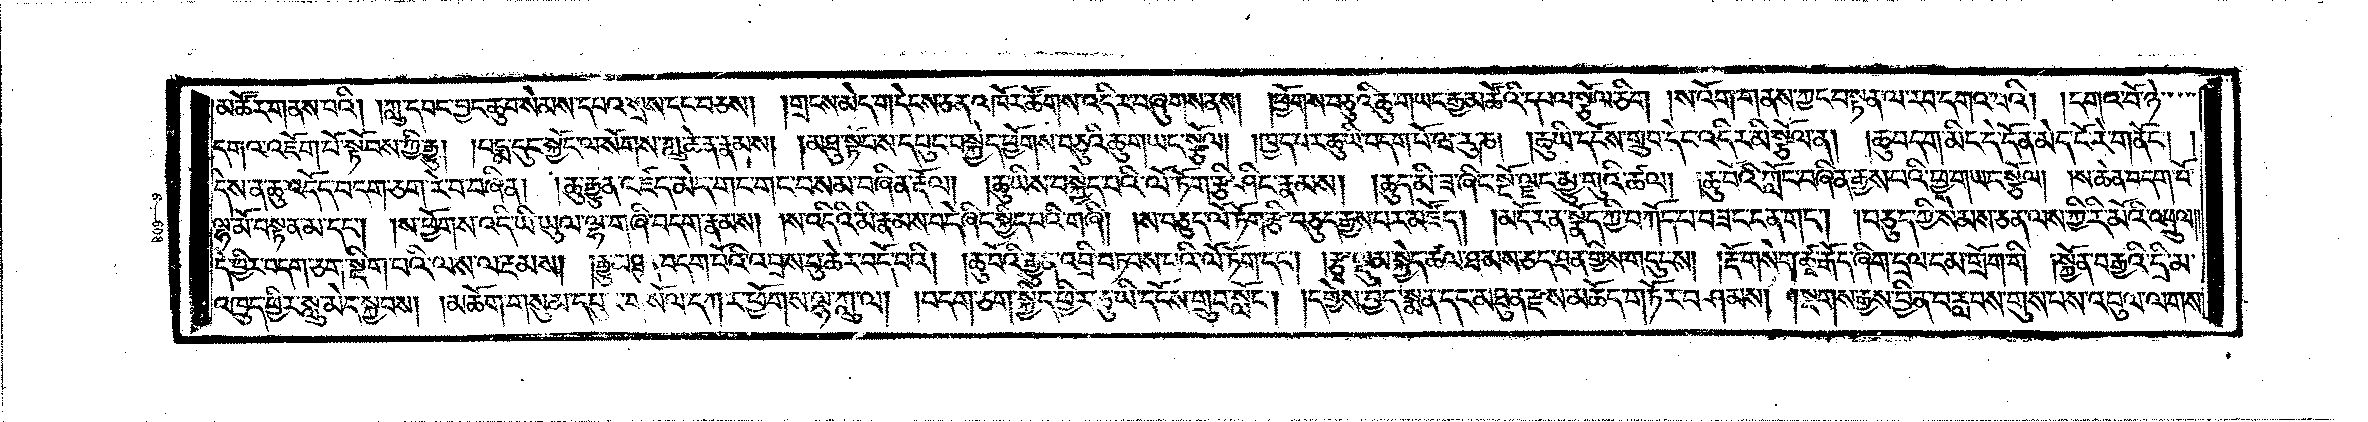མཚོར་གནས་པའི། །ཀླུ་དབང་བྱང་ཆུབ་སེམས་དཔའ་སྲས་དང་བཅས། །གྲངས་མེད་གདེངས་ཅན་འཁོར་ཚོགས་འདིར་བཞུགས་ནས། །ཕྱོགས་བཅུའི་ཆུ་གཡང་རྒྱ་མཚོའི་དཔལ་སྩོལ་ཅིག །ས་འོག་གནས་ཀྱང་བསྟན་ལ་རབ་དགའ་བའི། །དགའ་བོ་ཉེ་
དགའ་འཇོག་པོ་སྟོབས་ཀྱི་རྒྱུ། །པདམ་དུང་སྐྱོང་ལ་སོགས་ཀླུ་ཆེན་རྣམས། །མཐུ་སྟོབས་དབུང་བསྐྱེད་ཕྱོགས་བཅུའི་ཆུ་གཡང་སྩོལ། །ཁྱད་པར་ཆུ་ཡི་བདག་པོ་ཝ་རུ་ཎ། །ཆུ་ཡི་དངོས་གྲུབ་དེང་འདིར་མི་སྩོལ་ན། །ཆུ་བདག་མིང་དེ་དོན་མེད་ངོ་རེ་གནོང་། །
དེས་ན་ཆུ་འདོད་བདག་ཅག་རེ་བ་བཞིན། །ཆུ་རྒྱུན་འཛད་མེད་གང་གང་བསམ་བཞིན་རྡོལ། །ཆུ་ཡིས་བསྐྱེད་པའི་ལོ་ཏོག་རྩི་ཤིང་རྣམས། །ཆུད་མི་ཟ་ཞིང་སྔོ་ལྗང་མྱུ་གུའི་ཚལ། །ཆུ་བོའི་ཀློང་བཞིན་རྒྱས་པའི་ཕྱ་གཡང་སྩོལ། །ས་ཆེན་བདག་པོ་
ལྷ་མོ་བསྟན་མ་དང་། །ས་ཕྱོགས་འདི་ཡི་ཡུལ་ལྷ་གཞི་བདག་རྣམས། །ས་འདིའི་མི་རྣམས་བདེ་ཞིང་སྐྱིད་པའི་གཞི། །ས་བཅུད་ལོ་ཏོག་རྩི་བཅུད་རྒྱས་པར་མཛོད། །མདོར་ན་སྣོད་ཀྱི་བཀོད་པ་བཟང་ངན་གང་། །བཅུད་ཀྱི་སེམས་ཅན་ལས་ཀྱི་རི་མོའི་འཕྲུལ།།
ཕ༹དེ་ཕྱིར་བདག་ཅག་སྡིག་པའི་ལས་ལ་རྔམས། །རྒྱུ་མཐུན་བདག་པོའི་འབྲས་བུ་ཆེར་བདོ་བའི། །ཆུ་བོའི་རྒྱུན་འབྲི་བཏབས་པའི་ལོ་ཏོག་དང་། །རྩྭ་ལྡུམ་སྐྱེད་ཚལ་ཐམས་ཅད་ཐན་གྱིས་གདུངས། །རྡོ་གསེག་ཚྭ་རྒོད་ཞིག་དྲལ་ངམ་གྲོག་གི །སྐྱོན་བརྒྱའི་དྲི་མ་
འཁྲུད་ཕྱིར་སླུ་མེད་སྐྱབས། །མཆོག་གསུམ་དཔུ་གསོལ་དཀར་ཕྱོགས་ལྷ་ཀླུ་ལ། །བདག་ཅག་སྐྱིད་ཕྱིར་ཆུ་ཡི་དངོས་གྲུབ་སློང་། །དགྱེས་བྱེད་སྨན་དང་མཐུན་རྫས་མཆོད་གཏོར་བཤམས། །སྔགས་རྒྱས་བྱིན་བརླབས་གུས་པས་འབུལ་ལགས་